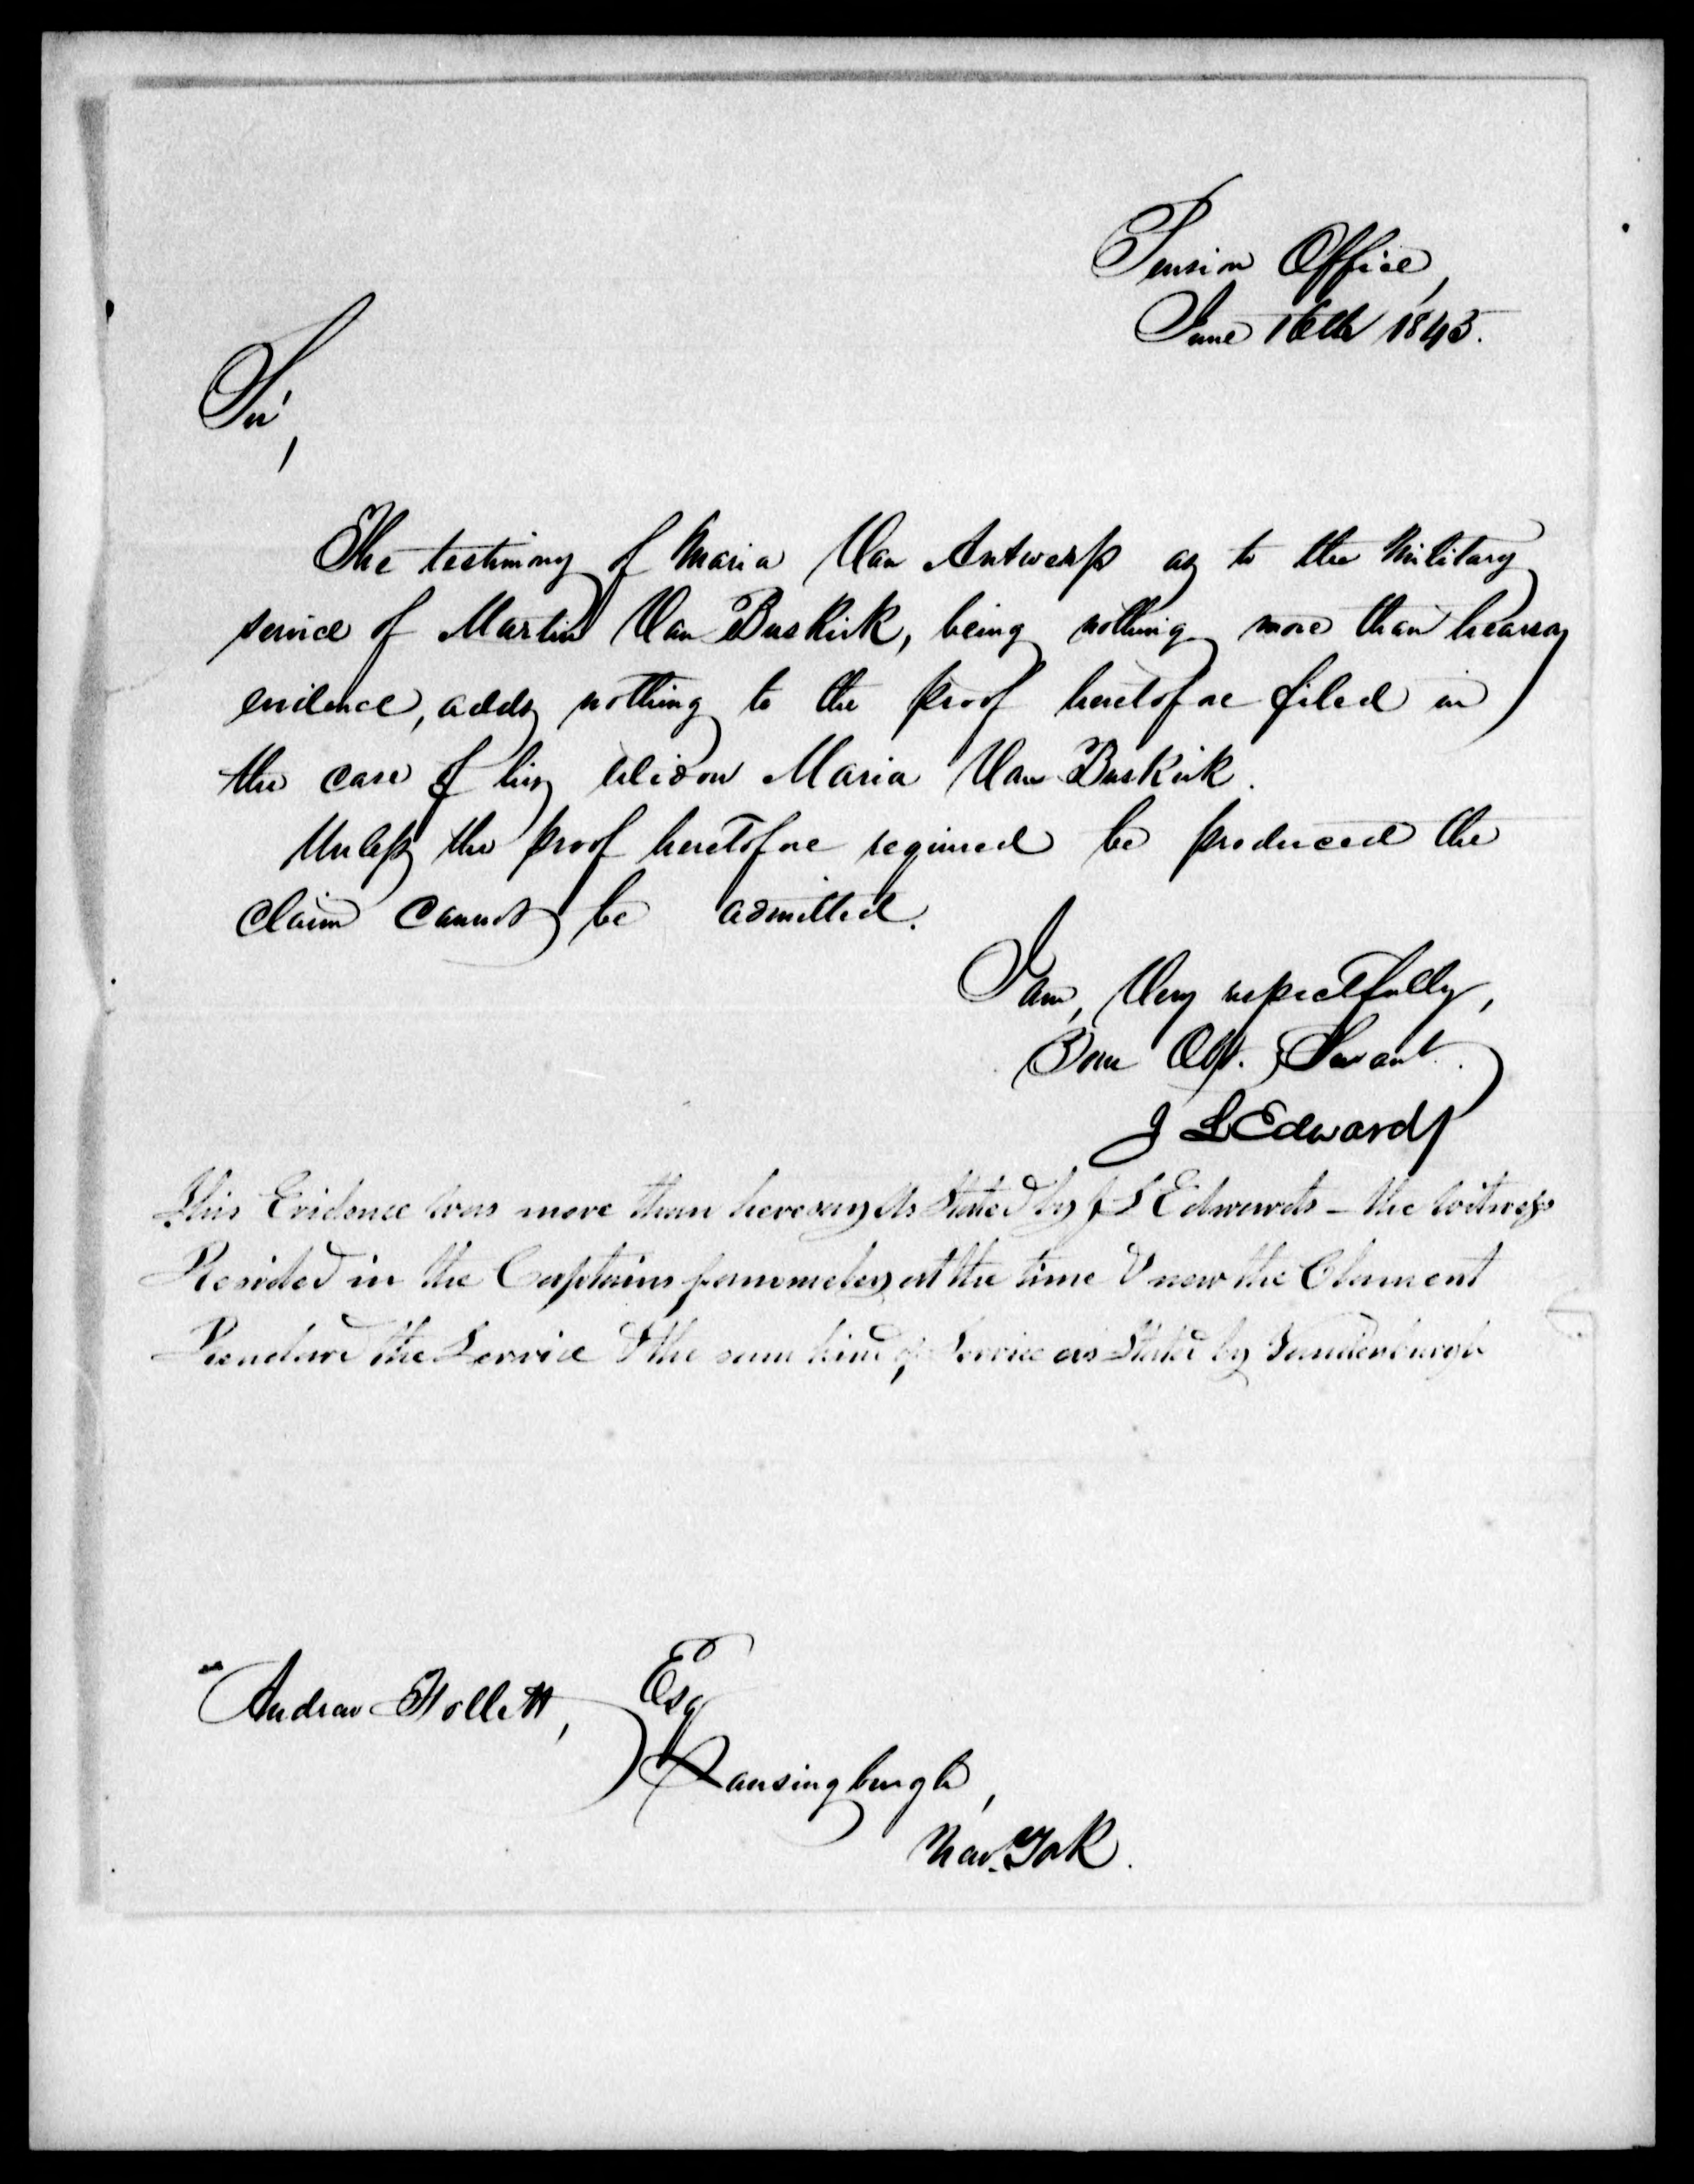Pension Office
June 16th 1845.

Sir,
The testimony of Maria Van Antwerp as to the military service of Martin Van Buskirk, being nothing more then hearsay evidence, and nothing to the proof heretofore filed in the case of his widow Maria Van Buskirk.

Unless the proof heretofore required be produced the claim cannot be admitted.

I am Very respectfully [illegible[ Obt. Servant
J. L. Edwards [signature]

This Evidence was more than heresay As stated by J. L. Edwards - the witness Resided in the Captains fammeley [family?] at the time & now the Claiment rendered the service & the same kind of service as stated by Vandenburgh

Andrew Follett, Esq [signature]
Lansingburgh,
New York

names: J L Edwards, Maria Van Buskirk, Andrew Follett, Martin Van Buskirk, Maria Van Antwerp, J L Edwards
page: 52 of 70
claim: rejected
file: R. 10,832, Martin Van Buskirk, New York.